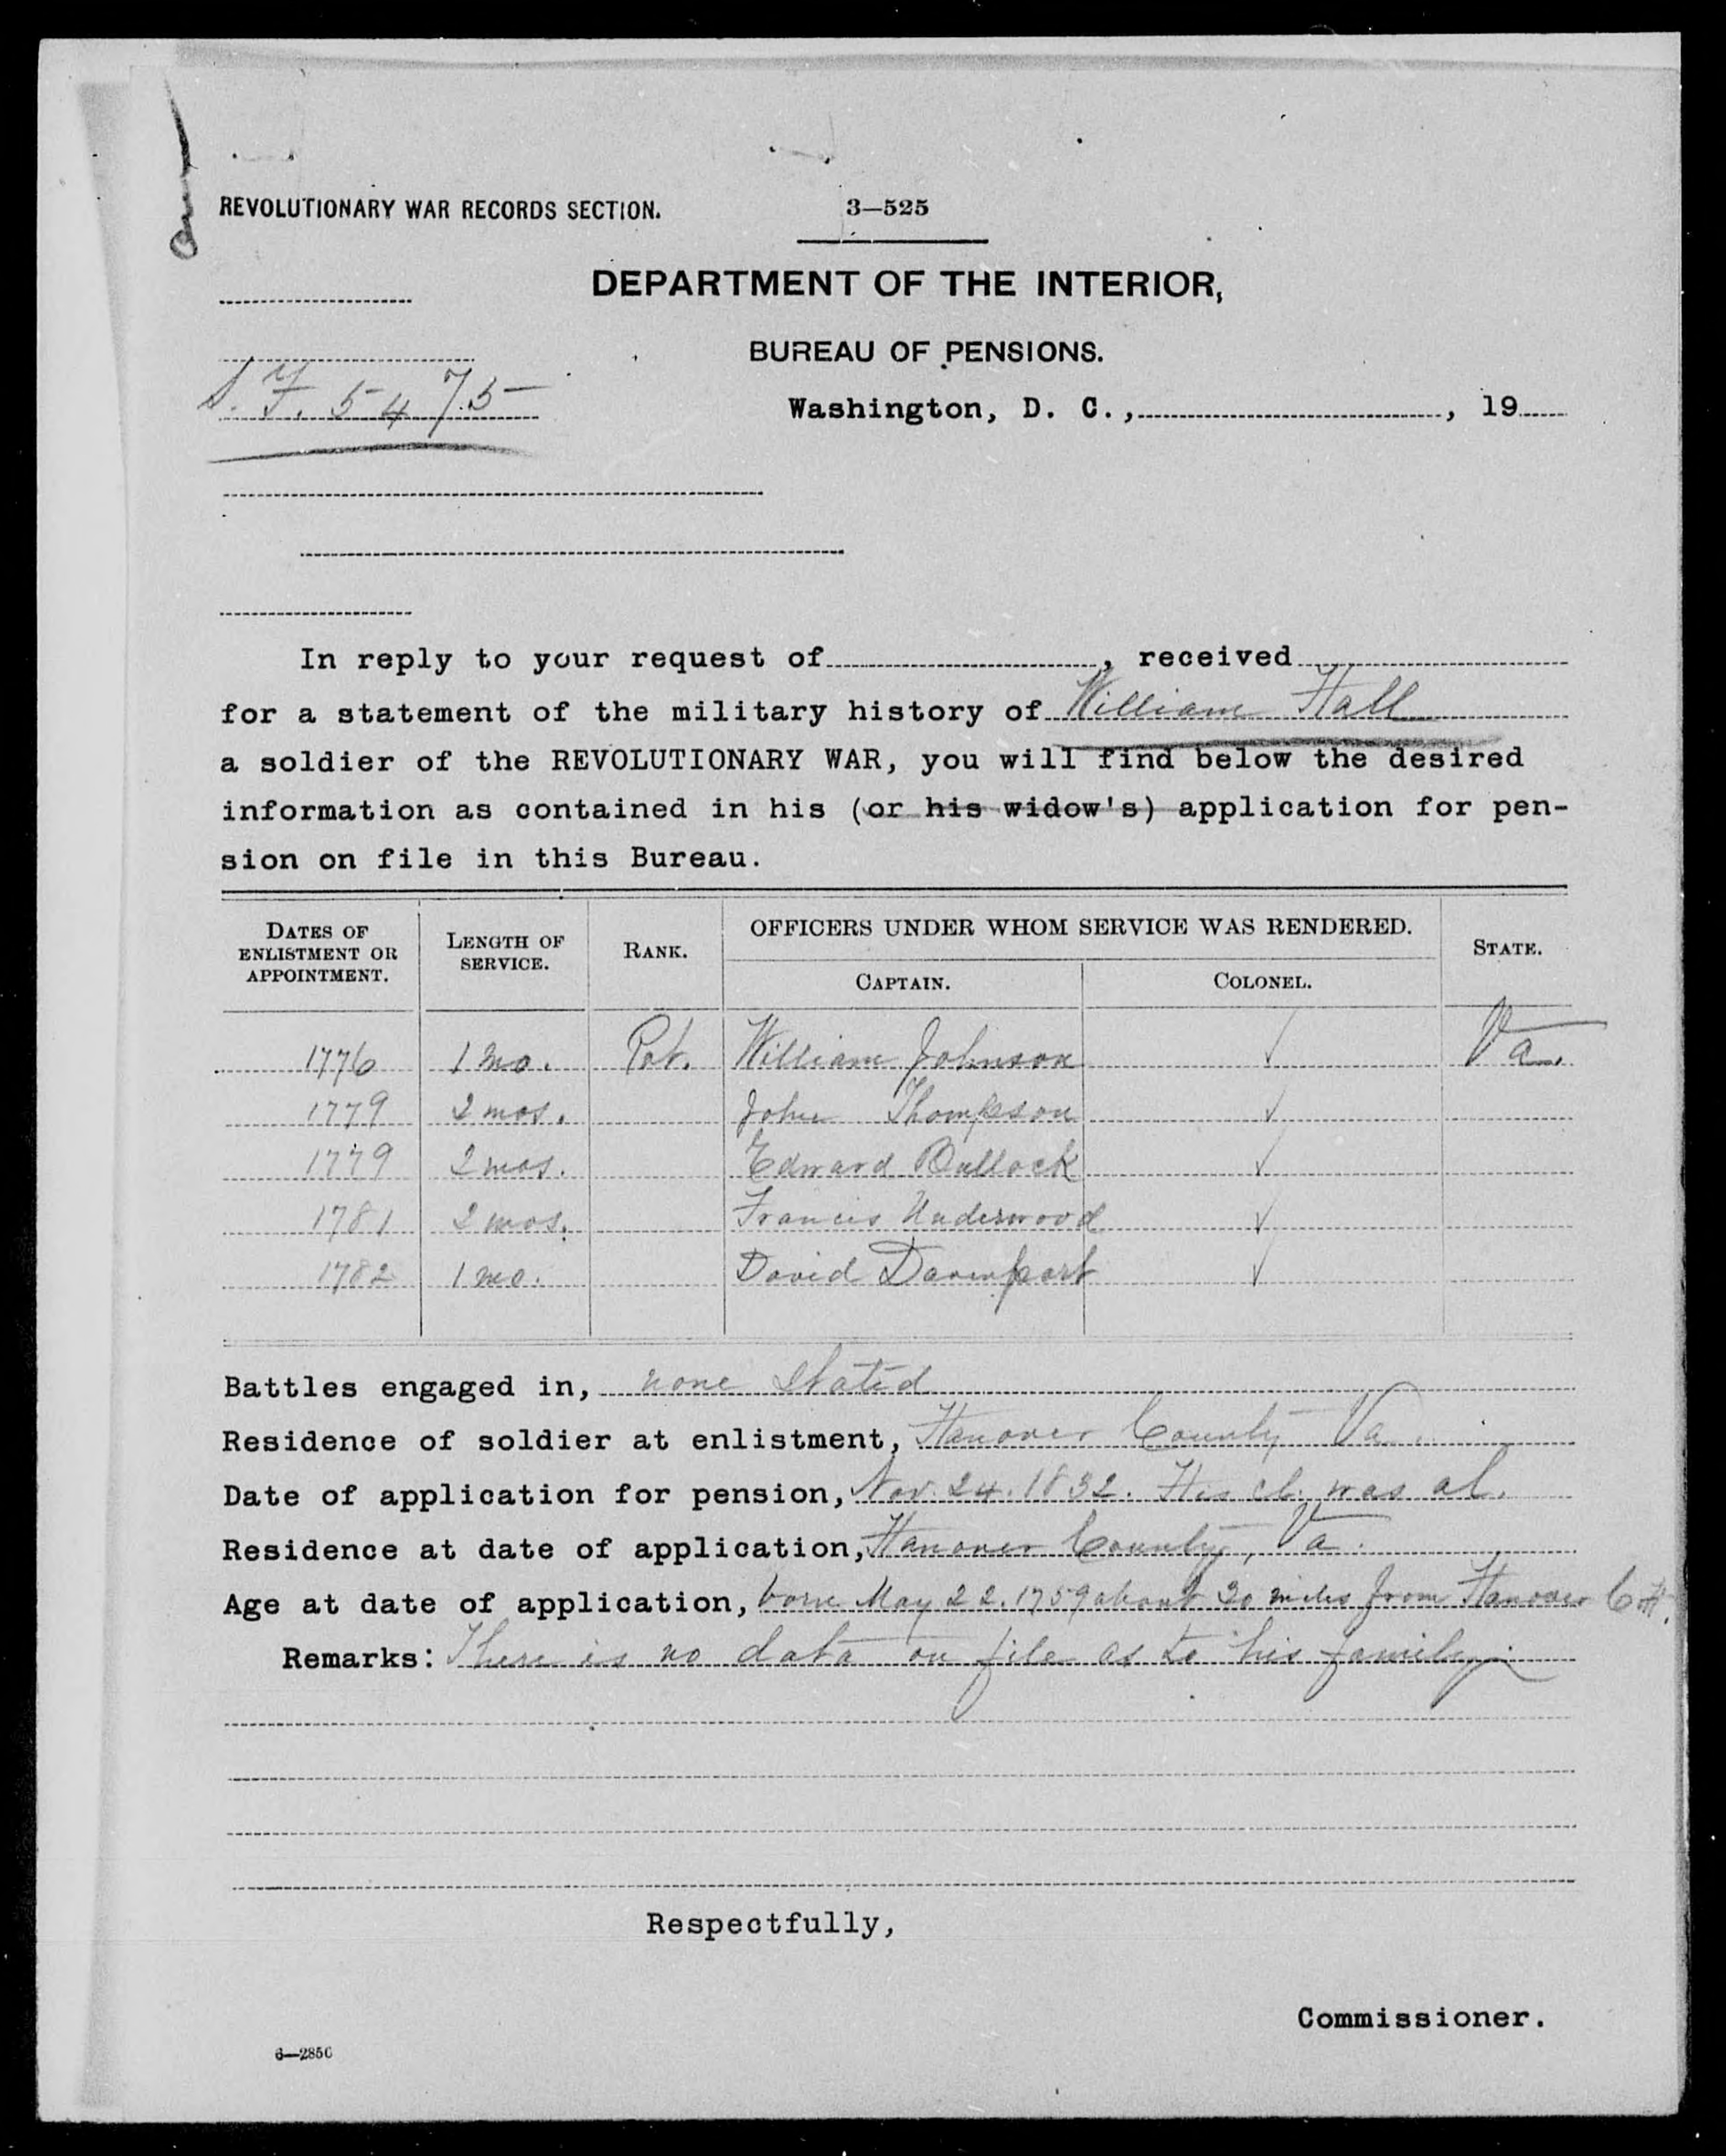REVOLUTIONARY WAR RECORDS SECTION.  3-525
DEPARTMENT OF THE INTERIOR,
BUREAU OF PENSIONS.
S. F. 5475  Washington, D. C., ___, 19 __
In reply to your request of ___, received ___ for a statement of the military history of William Hall a soldier of the REVOLUTIONARY WAR, you will find below the desired information as contained in his [marked out: (or his widow's)] application for pension on file in the Bureau.
DATES OF ENLISTMENT OR APPOINTMENT | LENGTH OF SERVICE. | RANK. | OFFICERS UNDER WHOM SERVICE WAS RENDERED. | STATE.
1776   |   1 mo.   |   Pvt.   |   Captain WiIliam Johnson     |  [check]   |  Va.
1779   |   2 mos.  |    __    |   Captain John Thompson     |   [ckeck]   |   
1779   |   2 mos.  |    __    | Captain Edward Bullock         |   [check]   |
1781   |   2 mos.  |    __    | Captain Francis Underwood   |   [check]   |
1782   |   1 mo.   |    __    | Captain David Davenport       |   [ckeck]   |

Battles engaged in, non stated
Residence of soldier at enlistment, Hanover County Va.
Date of application for pension, Nov 24, 1832. His cl. was al.
Residence at date of application, Hanover County, Va.
Age at date of application, born May 22, 1759 about 20 miles from Hanover CH.
Remarks: There is no data on file as to his family.

Respectfully,
Commissioner
6-285C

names: John Thompson, Francis Underwood, Edward Bullock, William Hall, David Davenport, William Johnson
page: 11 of 15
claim: survivor's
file: S. 5475, William Hall, Va.